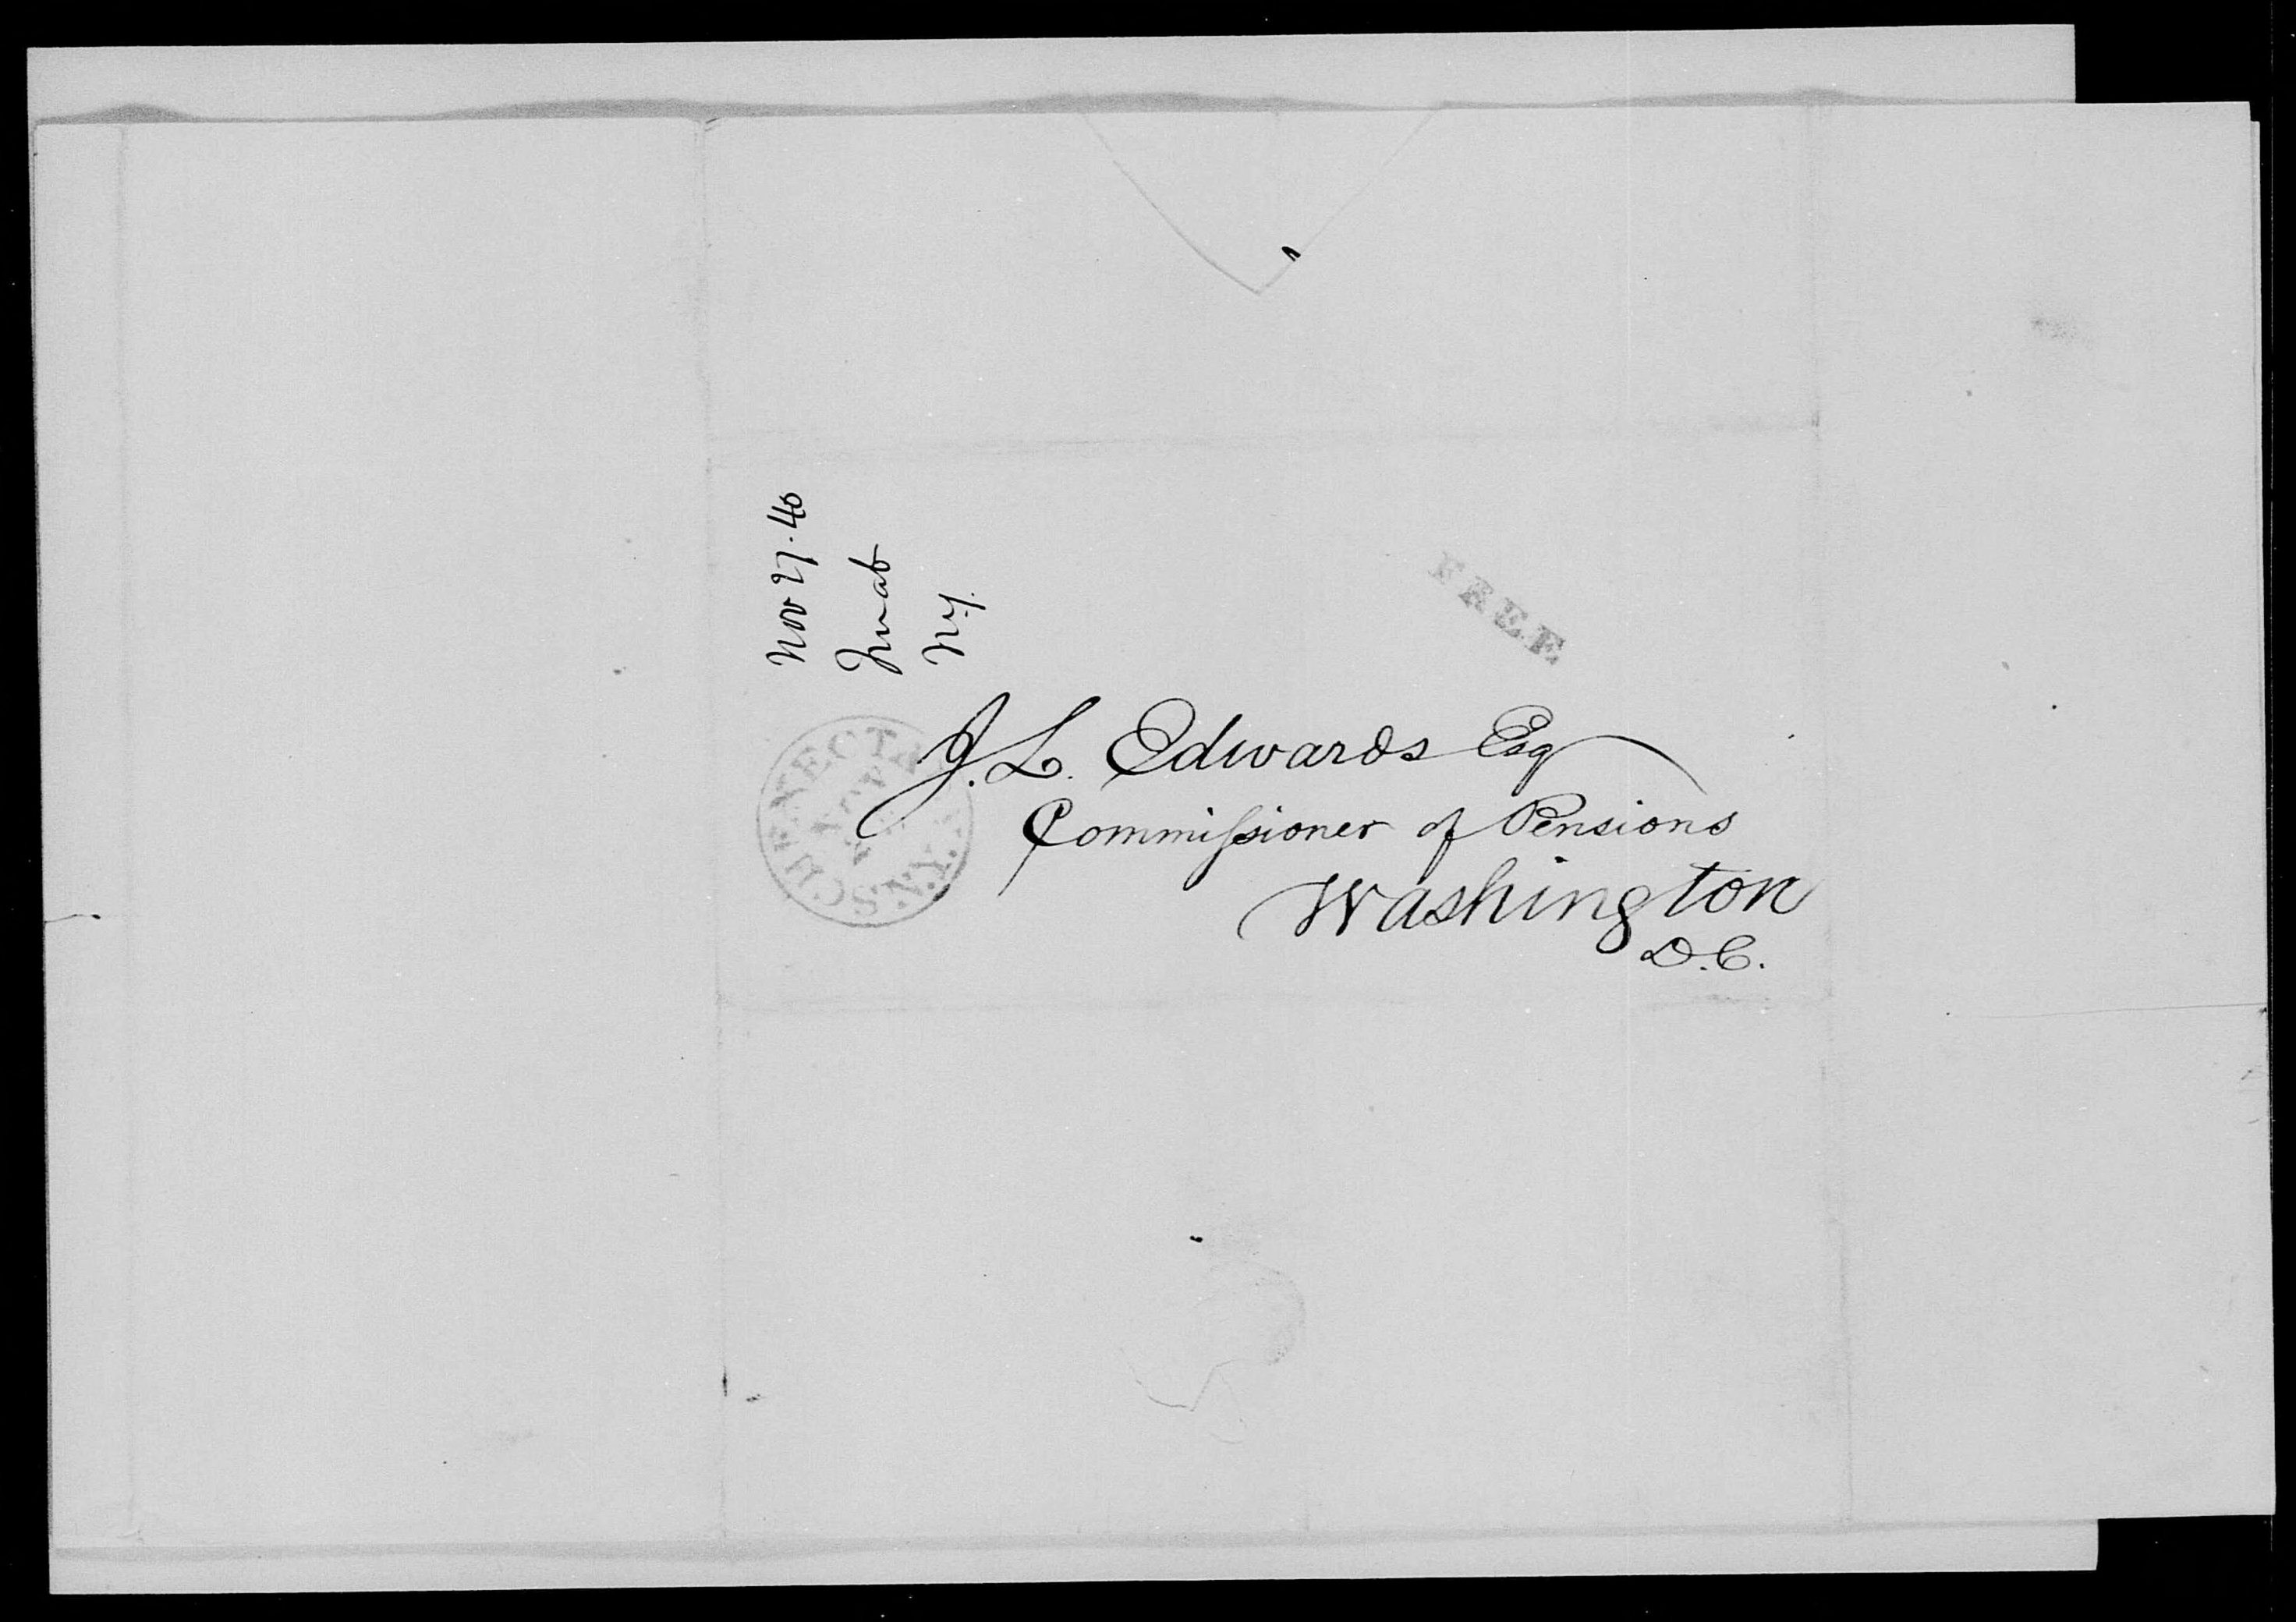Nov 27. 40
jnab 
N.Y.
[Black Stamp] SCHENECTADY N.Y. NOV 28
J. L. Edwards Esq
Commissioner of Pensions
Washington D.C.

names: J L Edwards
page: 51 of 75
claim: survivor's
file: S. 9989, for William Popham, Delaware